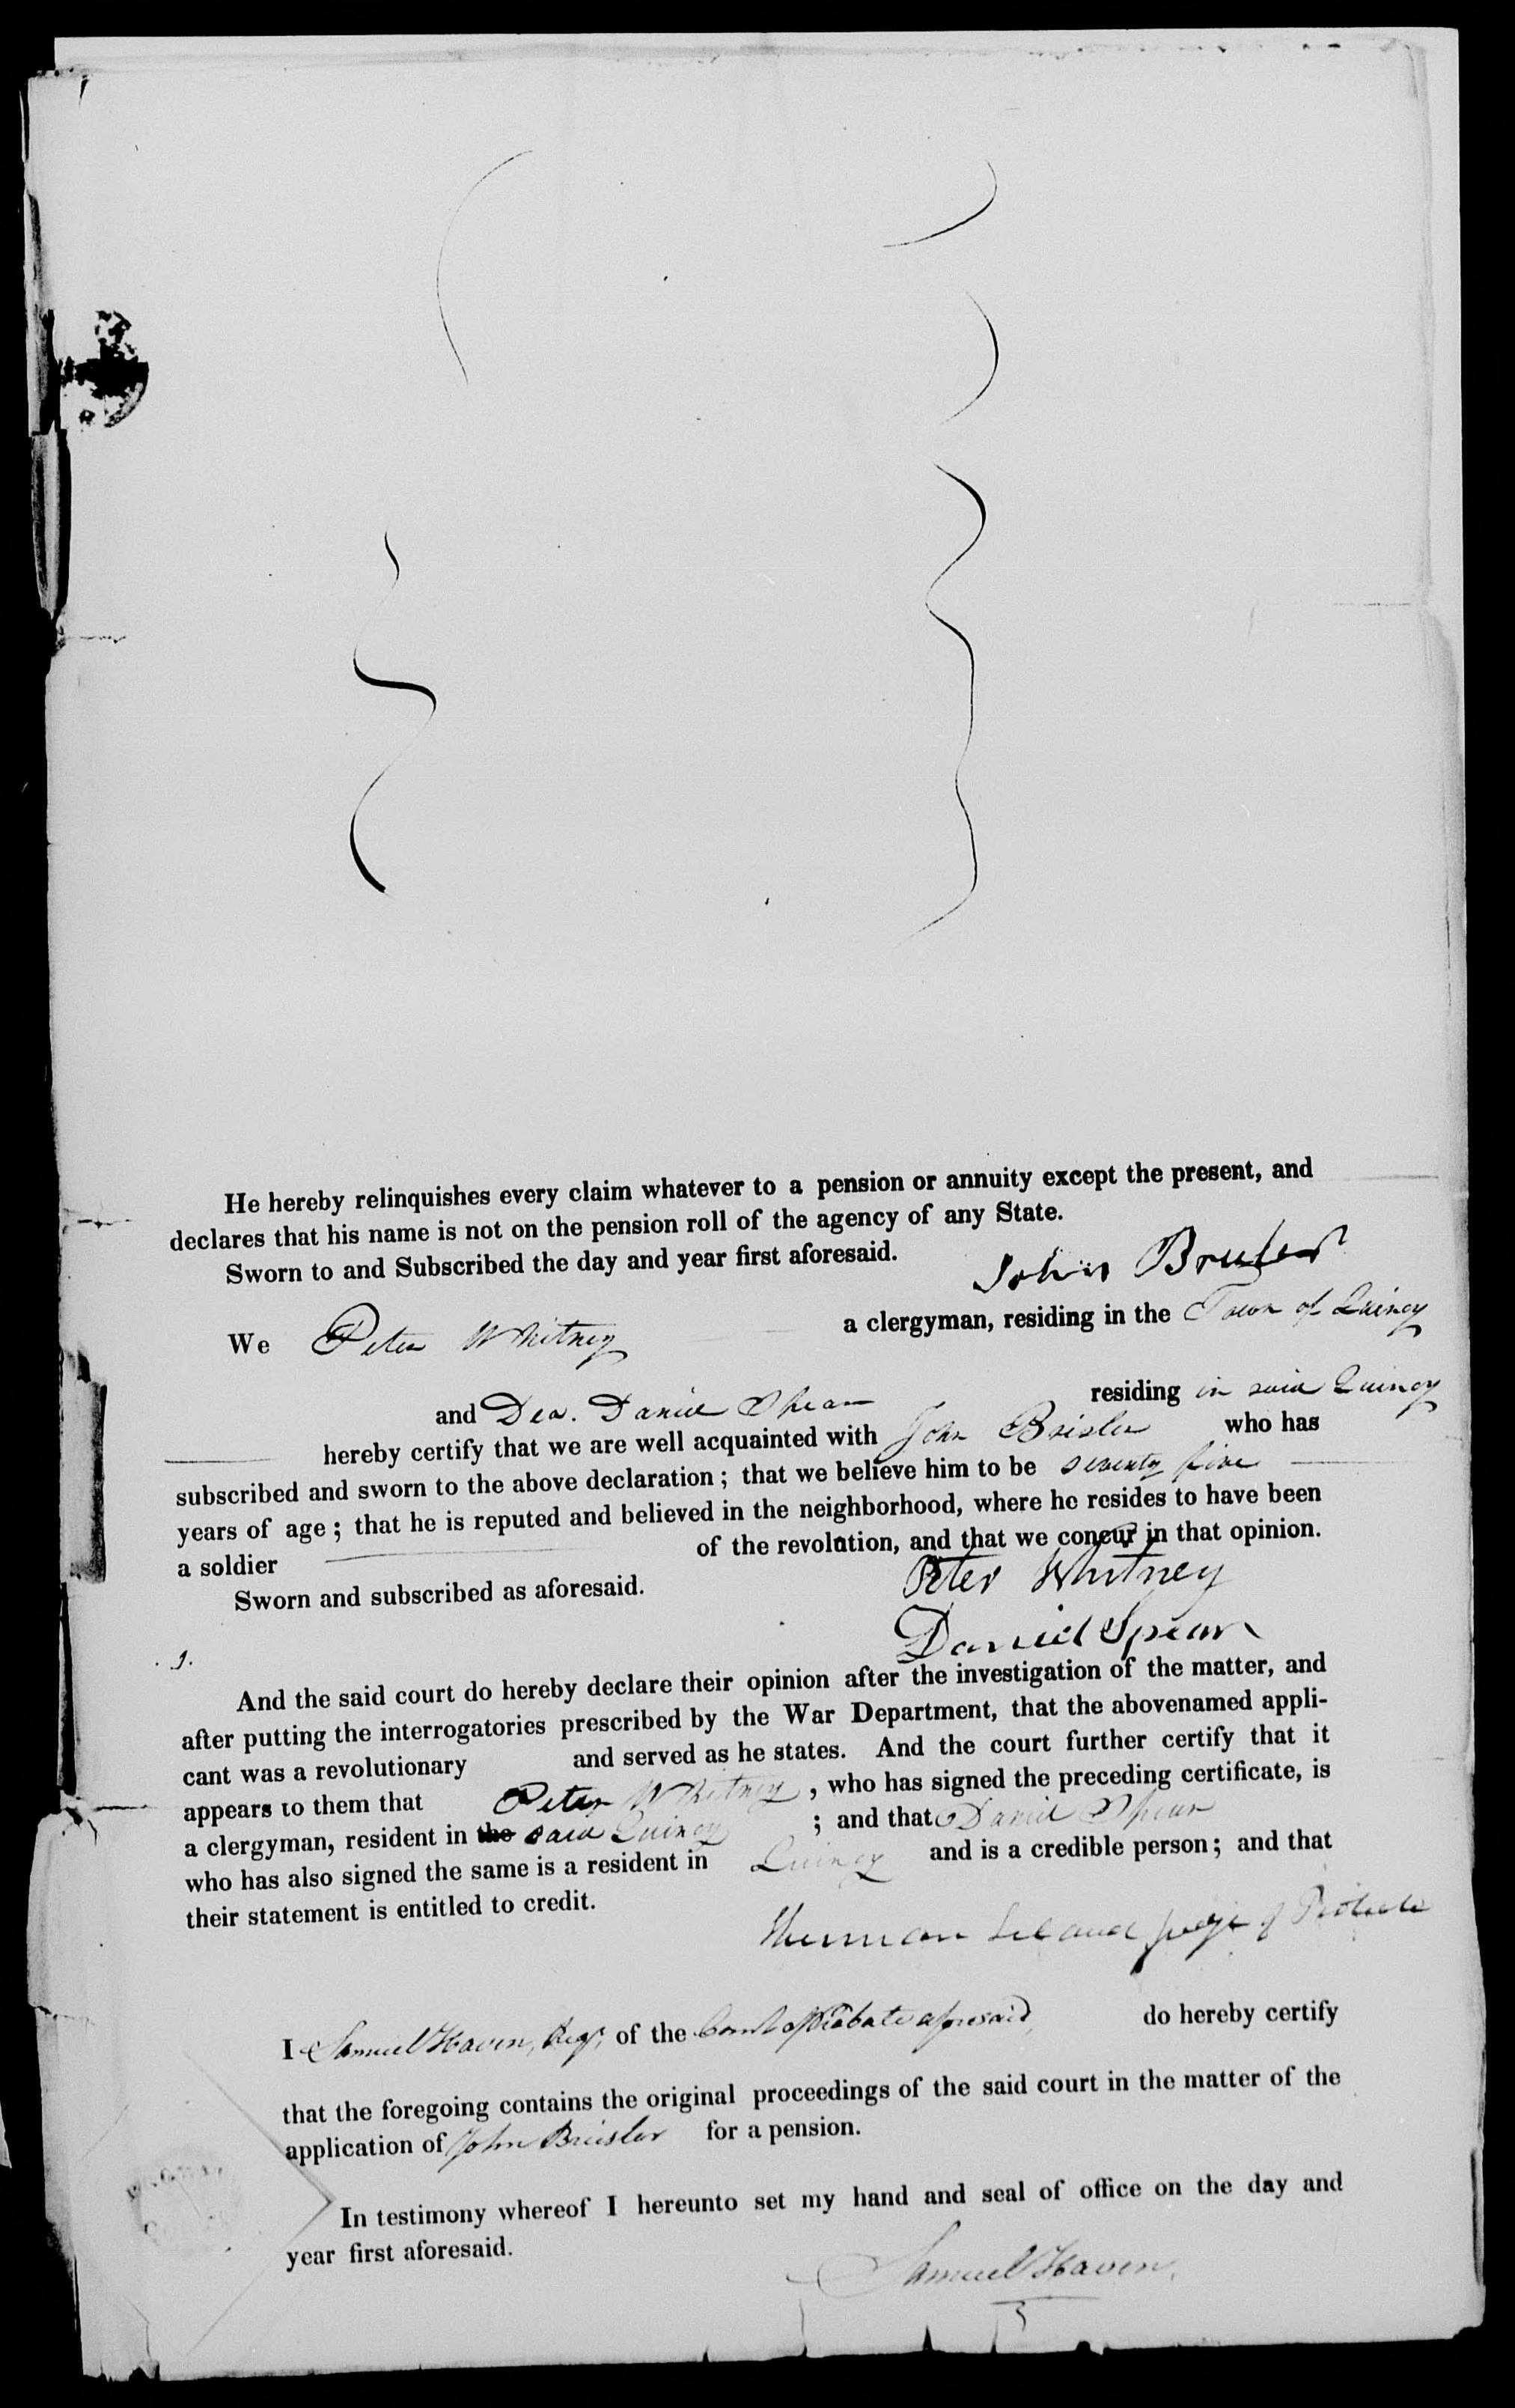He hereby relinquishes every claim whatever to a pension or annuity except the present, and declares that his name is not on the pension roll of the agency of any State. Sworn to and Subscribed the day and year first aforesaid.  John Brisler 
We Peter Whitney a clergyman residing in the Town of Quincy and Dea. Daniel [illegible] residing in said Quincy hereby certify that we are well acquainted with John Brisler who has subscribed and sworn to the above declaration that we believe him to be seventy five years of age;  that he is reputed and believed in the neighborhood, where he resides to have been a soldier of the revolution, and that  we concur in that opinion. Sworn and subscribed as aforesaid Peter Whitney Daniel [illegible]

And the said court do hereby declare their opinion after the investigation of the matter, and after putting the interrogatories prescribed by the War Department, that the abovenamed applicant was a revolutionary
and served as he states. And the court further certify that it appears to them that
Peter Whitney, who has signed the preceding certificate, is a clergyman, resident in  said Quincy;  and that Daniel  [illegible]
who has also signed the same is a resident in
Quincy and is a credible person; and that
their statement is entitled to credit.
Sherman Leland Judge of Probate 

I Samuel Haven Regr of the Court of Probate aforesaid do hereby certify that the foregoing contains the original proceedings of the said court in the matter of the application of John Brisler for a pension. In testimony whereof I hereunto set my hand and seal of office on the day and year first aforesaid. Samuel Haven.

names: John Brisler, Daniel Spear, John Brister, Daniel Spear, John Briesler, Samuel Haven, Sherman Leland, Peter Whitney, Samuel Haven, Peter Whitney, Peter Whitney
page: 14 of 46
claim: widow's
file: W. 23,673, John Brisler, Mass.